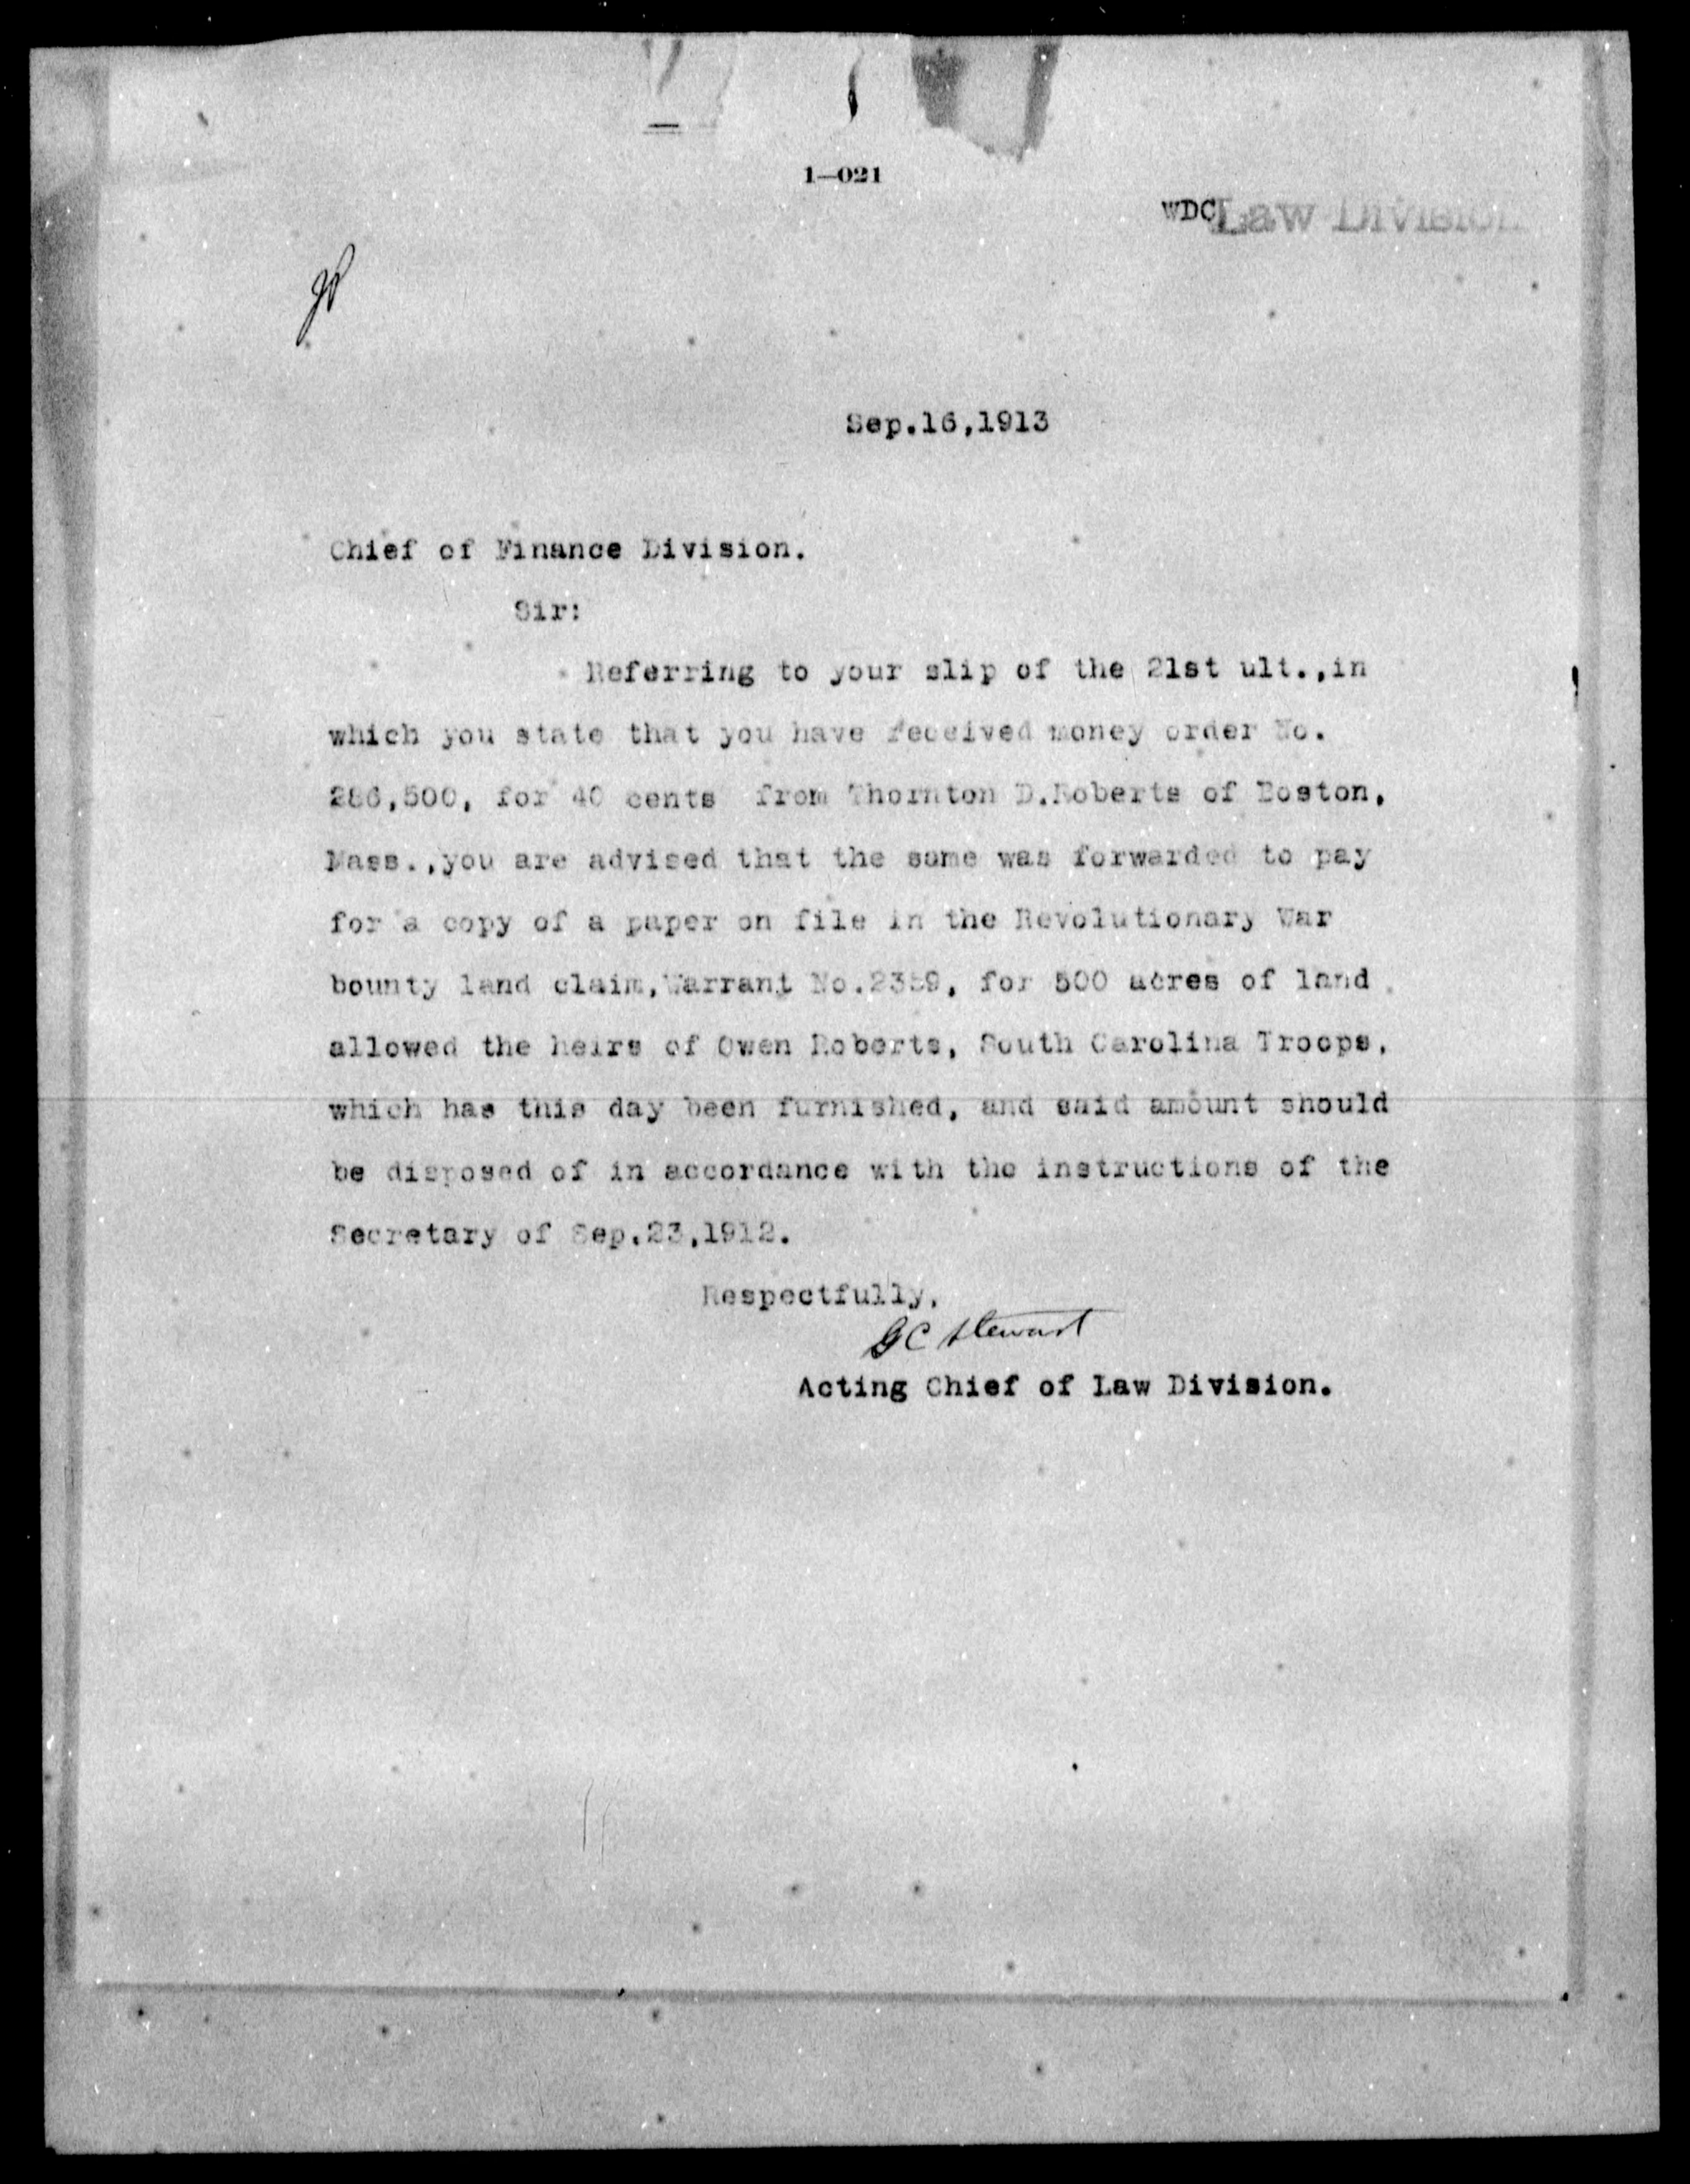1-021                WDC
[stamp] Law Division

Sep. 16, 1913

Chief of Finance Division.

Sir:

Referring to your slip of the 21st ult., in
which you state that you have received money order No.
286,500, for 40 cents from Thornton D. Roberts of Boston,
Mass., you are advised that the same was forwarded to pay
for a copy of a paper on file in the Revolutionary War
bounty land claim, Warrant No. 2359, for 500 acres of land
allowed the heirs of Owen Roberts, South Carolina Troops,
which has this day been furnished, and said amount should 
be disposed of in accordance with the instructions of the 
Secretary of Sep. 23, 1912.

Respectfully,

G C Stewart
Acting Chief of Law Division.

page: 23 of 59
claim: bounty land warrant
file: B.L.Wt. 2359-500, for Owen Roberts, South Carolina